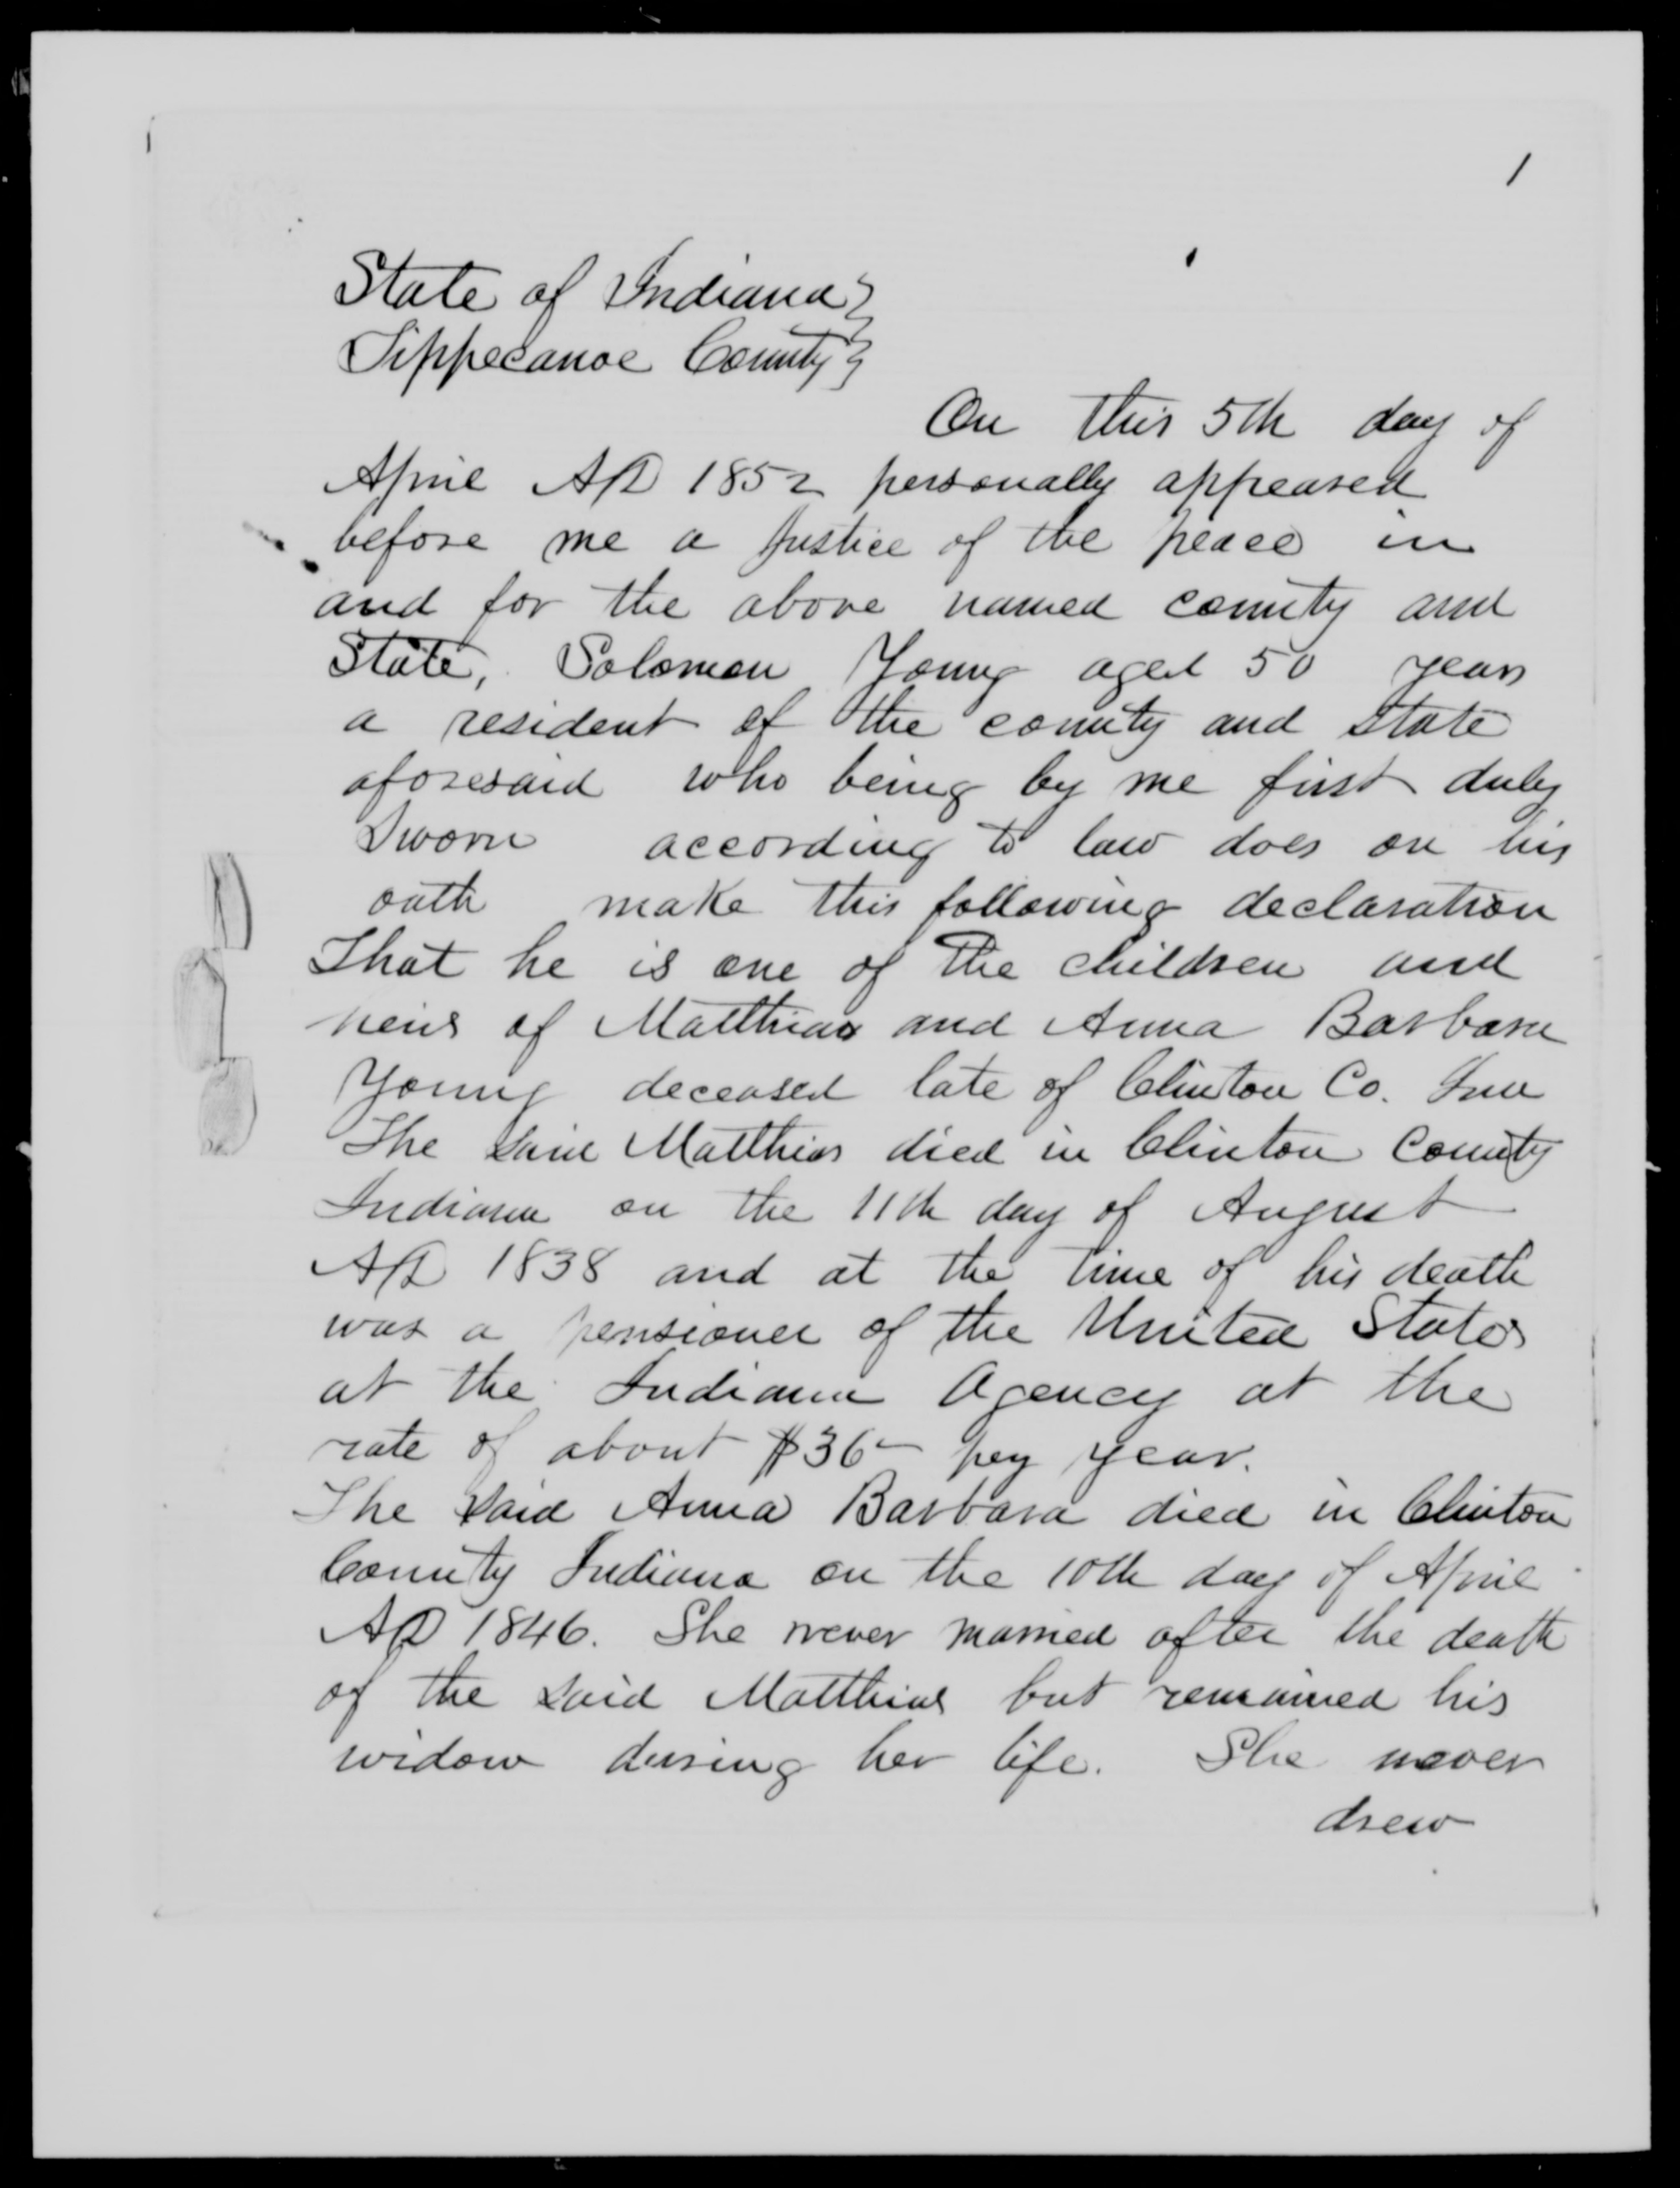1
State of Indiana Tippecanoe County  ss
On this 5th day of
April AD 1852 personally appeared
before me a Justice of the peace in
and for the above named County and
State, Solomon Young aged 50 years
a resident of the County and State
aforesaid who being by me first duly
Sworn according to law does on his
oath make this following declaration.
That he is one of the children and
heirs of Matthias and Anna Barbara
Young deceased late of Clinton Co. Ind.
The said Matthias died in Clinton County
Indiana on the 11th day of August
AD 1838 and at the time of his death
was a pensioner of the United States
at the Indiana Agency at the
rate of about $36 per year.
The said Anna Barbara died in Clinton
County Indiana on the 10th day of April
AD 1846. She never married after the death
of the said Matthias but remained his
widow during her life. She never drew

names: Anna Barbara Young, Solomon Young, Matthias Young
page: 106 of 123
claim: rejected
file: R. 11,949, Matthias Young, Md.